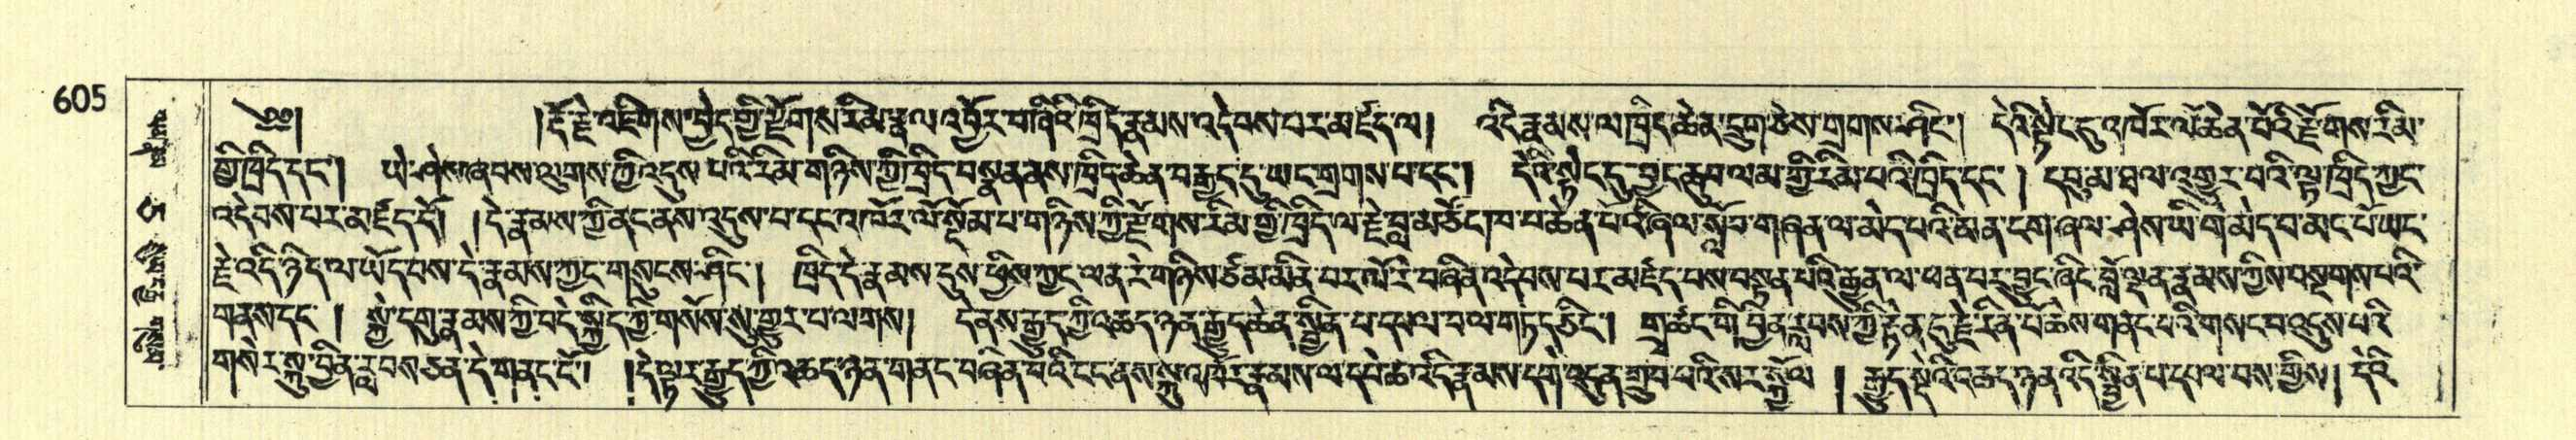༄༅། །རྡོ་རྗེ་འཇིགས་བྱེད་གྱི་རྫོགས་རིམ་རྣལ་འབྱོར་བཞིའི་ཁྲིད་རྣམས་འདེབས་བར་མཛད་ལ། འདི་རྣམས་ལ་ཁྲིད་ཆེན་དྲུག་ཅེས་གྲགས་ཤིང་། དེའི་སྟེང་དུ་འཁོར་ལོ་ཆེན་པོའི་རྫོགས་རིམ་
གྱི་ཁྲིད་དང་། ཡེ་ཤེས་ཞབས་ལུགས་ཀྱི་འདུས་པའི་རིམ་གཉིས་ཀྱི་ཁྲིད་བསྣན་ནས་ཁྲིད་ཆེན་བརྒྱད་དུ་ཡང་གྲགས་པ་དང་། དེའི་སྟེང་དུ་བྱང་ཆུབ་ལམ་གྱི་རིམ་པའི་ཁྲིད་དང་། དབུ་མ་ཐལ་འགྱུར་བའི་ལྟ་ཁྲིད་ཀྱང་
འདེབས་པར་མཛད་དོ། །དེ་རྣམས་ཀྱི་ནང་ནས་འདུས་པ་དང་འཁོར་ལོ་སྡོམ་པ་གཉིས་ཀྱི་རྫོགས་རིམ་གྱི་ཁྲིད་ལ་རྗེ་བླ་མ་ཙོང་ཁ་པ་ཆེན་པོའི་ཞལ་སློབ་གཞན་ལ་མེད་པའི་མན་ངག་ཞལ་ཤེས་ཡི་གེ་མེད་བ་མང་པོ་ཡང་
རྗེ་འདི་ཉིད་ལ་ཡོད་བས་དེ་རྣམས་ཀྱང་གསུངས་ཤིང་། ཁྲིད་དེ་རྣམས་དུས་ཕྱིས་ཀྱང་ལན་རེ་གཉིས་ཙམ་མིན་བར་ལོ་རེ་བཞིན་འདེབས་པར་མཛད་བས་བསྟན་པའི་རྒྱུན་ལ་ཕན་པར་བྱུང་ཞིང་བློ་ལྡན་རྣམས་ཀྱིས་བསྔགས་པའི་
གནས་དང་། སྐྱེ་དུག་རྣམས་ཀྱི་བདེ་སྐྱིད་ཀྱི་གསོས་སུ་གྱུར་པ་ལགས། དེ་ནས་རྒྱུད་ཀྱི་འཆད་ཉན་རྒྱུད་ཆེན་སྦྱིན་པ་དཔལ་བ་ལ་གཏད་ཅིང་། གྲྭ་ཚང་གི་བྱིན་རླབས་ཀྱི་རྟེན་དུ་རྗེ་རིན་པོ་ཆེས་གནང་པའི་གསང་བ་འདུས་པའི་
གསེར་སྐུ་བྱིན་རླབས་ཅན་དེ་གནང་ངོ། །དེ་ལྟར་རྒྱུད་ཀྱི་འཆད་ཉན་གནང་བཞིན་པའི་ངང་ནས་སྐུ་འཁོར་རྣམས་ལ་དཔེ་ཆ་འདི་རྣམས་དགེ་འདུན་གྲུབ་པའི་སར་སྐྱོལ་། རྒྱུད་སྡེའི་འཆད་ཉན་འདི་སྦྱིན་པ་དཔལ་བས་གྱིས། དེའི་